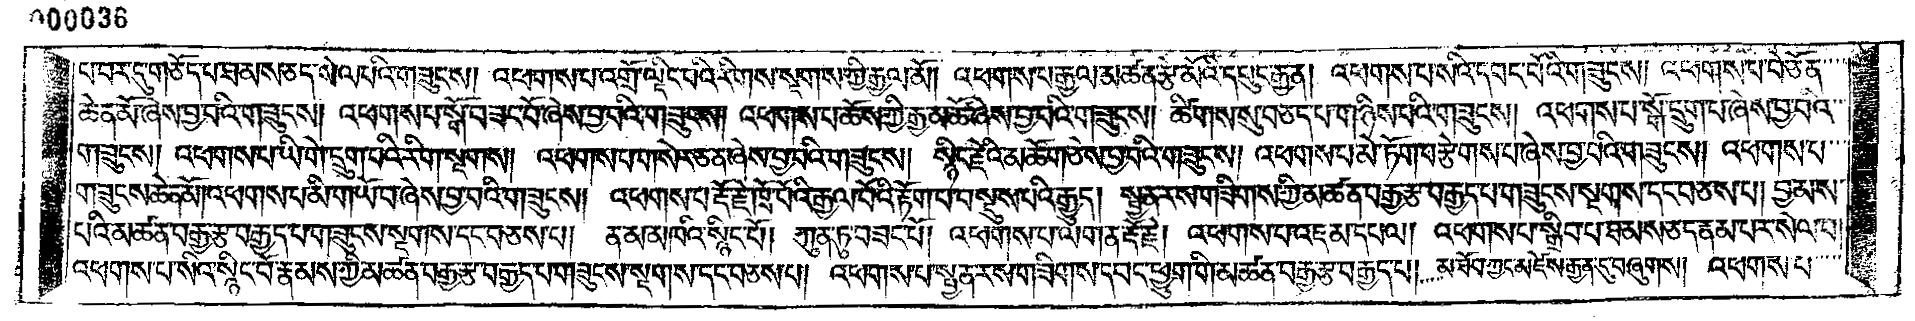པ་བར་དུ་གཅོད་པ་ཐམས་ཅད་སེལ་པའི་གཟུངས། འཕགས་པ་འགྲོ་ལྡིང་བའི་རིགས་སྔགས་ཀྱི་རྒྱལ་མོ། འཕགས་པ་རྒྱལ་མཚན་རྩེ་མོའི་དཔུང་རྒྱན། འཕགས་པ་སའི་དབང་པོའི་གཟུངས། འཕགས་པ་བེ་ཅོན་
ཆེན་མོ་ཞེས་བྱ་བའི་གཟུངས། འཕགས་པ་སྒོ་བཟང་བོ་ཞེས་བྱ་བའི་གཟུངས། འཕགས་པ་ཆོས་ཀྱི་རྒྱ་མཚོ་ཞེས་བྱ་བའི་གཟུངས། ཚིགས་སུ་བཅད་པ་གཉིས་པའི་གཟུངས། འཕགས་པ་སྒོ་དྲུག་པ་ཞེས་བྱ་བའི་
གཟུངས། འཕགས་པ་ཡི་གེ་དྲུག་པའི་རིག་སྔགས། འཕགས་པ་གསེར་ཅན་ཞེས་བྱ་བའི་གཟུངས། སྙིང་རྗེའི་མཆོག་ཅེས་བྱ་བའི་གཟུངས། འཕགས་པ་མེ་ཏོག་བརྩེགས་པ་ཞེས་བྱ་བའི་གཟུངས། འཕགས་པ་
གཟུངས་ཆེན་མོ། འཕགས་པ་མི་གཡོ་བ་ཞེས་བྱ་བའི་གཟུངས། འཕགས་པ་རྡོ་རྗེ་ཁྲོ་པོའི་རྒྱལ་བོའི་རྟོག་པ་བསྡུས་པའི་རྒྱུད། སྤྱན་རས་གཟིགས་ཀྱི་མཚན་བརྒྱ་རྩ་བརྒྱད་པ་གཟུངས་སྔགས་དང་བཅས་པ། བྱམས་
པའི་མཚན་བརྒྱ་རྩ་བརྒྱད་པ་གཟུངས་སྔགས་དང་བཅས་པ། ནམ་མཁའི་སྙིང་པོ། ཀུན་ཏུ་བཟང་པོ། འཕགས་པ་ལག་ན་རྡོ་རྗེ། འཕགས་པ་འཇམ་དཔལ། འཕགས་པ་སྒྲིབ་པ་ཐམས་ཅད་རྣམ་པར་སེལ་བ།
འཕགས་པ་སའི་སྙིང་བོ་རྣམས་ཀྱི་མཚན་བརྒྱ་རྩ་བརྒྱད་པ་གཟུངས་སྔགས་དང་བཅས་པ། འཕགས་པ་སྤྱན་རས་གཟིགས་དབང་ཕྱུག་གི་མཚན་བརྒྱ་རྟ་བརྒྱད་པ་མ་ཐོབ་ཀྱང་མཛེས་རྒྱན་དུ་བཞུགས།  འཕགས་པ་